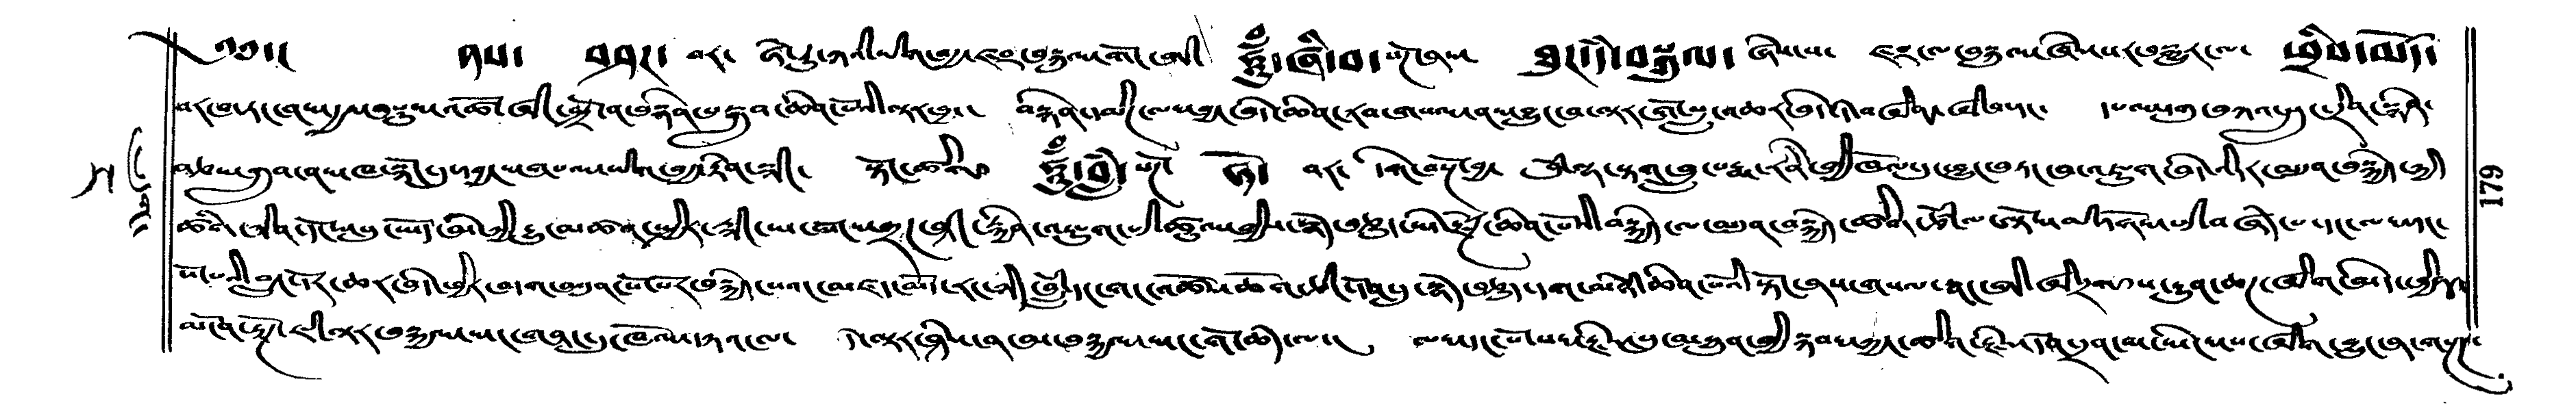ནས། བཤགས༔ །བར། ཧེ་རུ་ཀའི་ཡིག་བརྒྱ་ཛབ་སྐུལ་གོང་གི ཧཱུྃ༔ ཞི་བ༴ སོགས་ནས། ཐུགས་དམ་བསྐུལ༔ །ཞེས་པ་ཛབ་སྐུལ་ཞེས་པར་བསྒྱུར་ལ། ཕྲིན་ལས་མཛོད༔ །
བར་བཏང་ནས་རྒྱས་བསྡུས་འཚོ་ཞིང་སྤྲོ་ན་སྙེན་སྒྲུབ་ཆེན་མོའི་ལྟར་བྱ། སྙེན་དམིགས་ལས་བྱང་བདེ་ཆེན་རབ་གསལ་ནས་བྱུང་བ་ལྟར་གོ་སླ་ཤིང་། འཆར་བདེ། དེ་བཞིན་ཞི་བ་དང་། དཔལ་དགུ་བཀའ་སྲུང་དྲིལ་སྙེན་
བཅས་གྲུབ་ནས་ཁ་སྐོང་དུ་དབྱངས་གསལ། ཡིག་བརྒྱ། རྟེན་སྙིང་། སྟོང་ཚིག ཧཱུྃ༔ བླ་མ༴ སོགས། ཧོ༔ བར། དགེ་བསྔོ་བྱ། བུམ་ལྷ་སྟག་བླ་པདྨ་རིན་ཆེན་གྱི་ཁོལ་དུ་བྱུང་བཏང་བ་འཇུག་བདེ། འདིར་མདུན་བསྐྱེད་ཀྱི་
ཚིག་ཟིན་དངོས་སུ་ཡོད་མེད་ཀྱི་རྒྱུ་མཚན་སྤྱིར་རྙིང་མ་ཡོངས་ལ་གྲགས་ཤིང་། རྐྱེན་འཇུག་པའི་ཚུལ་གྱིས་སྣོད་བཅུད་ཡེ་རྫོགས་ཆེན་པོའི་བསྐྱེད་རིམ་ལ་མདུན་བསྐྱེད་ཚིག་ཙམ་ལ་ལྟོས་མི་དགོས་པའི་བཞེད་པ་དང་། ལས་དང་
པོ་པའི་བློ་ངོར་འཆར་བདེ་ཕྱིར་བདག་མདུན་སོ་སོར་སྐྱེད་པའང་མཛད་མོད་རང་ཉིད་ཀྱི་བླ་དང་གང་འཚམས་དེས་ཆོག་ཅིང་དོན་དུ་སྣོད་བཅུད་དག་མཉམ་ཆེན་པོའི་ངང་ནས་གསལ་སྣང་རྒྱུན་ཆགས་ཞིག་མེད་ཕྱིན། 
མངོན་རྟོགས་ཇི་ལྟར་བསྐྱལ་ཡང་གནད་དུ་ཁེལ་དཀའ་ལ། དེ་ལྟར་ཤེས་ན་མ་བསྐྱལ་ཡང་གོ་ཆེད་ལ། ལས་དང་པོ་པ་རྗེས་མཐུན་གྱི་སྐབས་ཀྱང་ཚིག་རྗེས་དོན་དྲན་མ་ཡེངས་པ་ཞིག་བྱུང་ན་གསང་སྔགས།